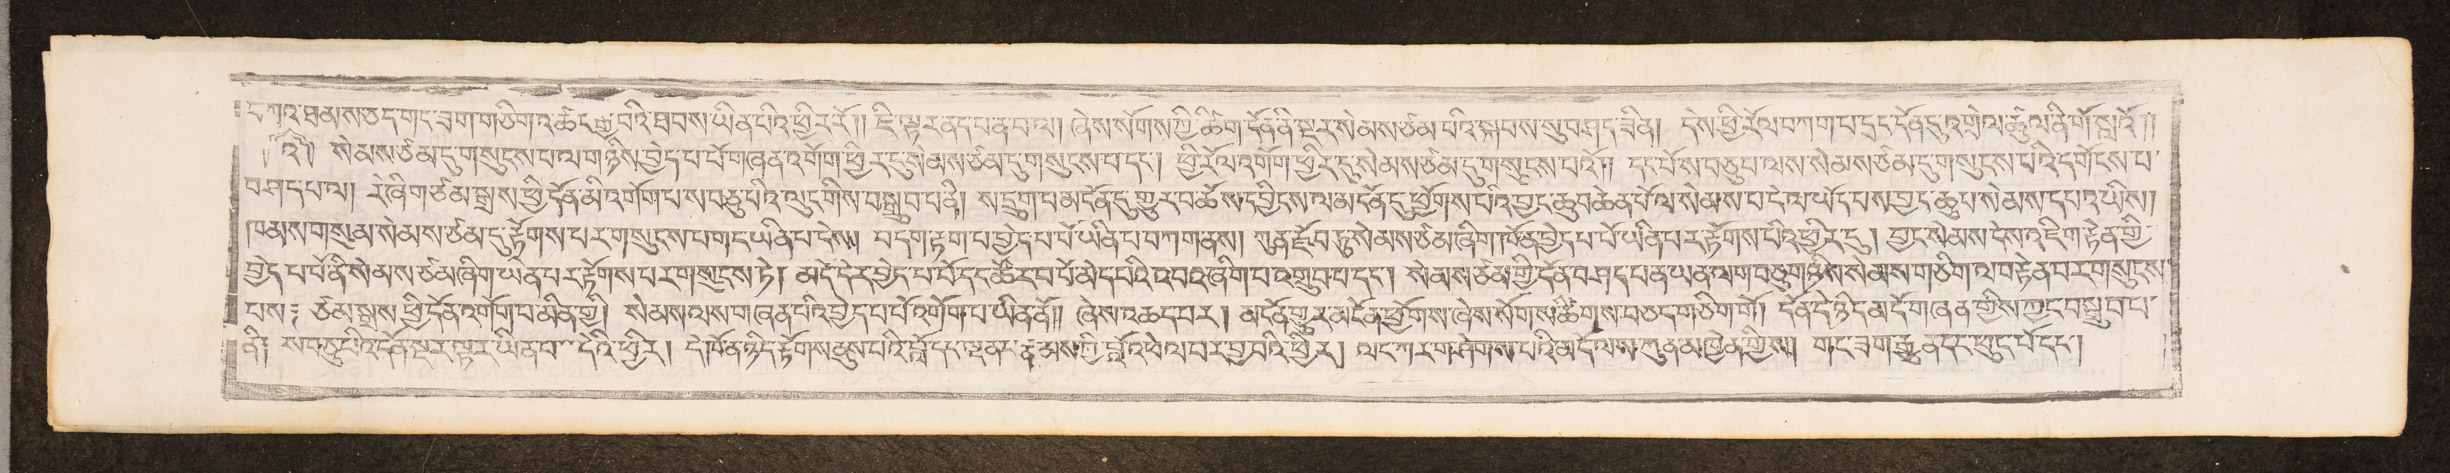བཀའ་ཐམས་ཅད་གང་ཟག་གཅིག་འཚང་རྒྱ་བའི་ཐབས་ཡིན་པའི་ཕྱིར་རོ། ། ཇི་ལྟར་ནད་པ་ན་བ་ལ། ཞེས་སོགས་ཀྱི་ཚིག་དོན་ནི་སྔར་སེམས་ཙམ་པའི་སྐབས་སུ་བཤད་ཟིན། དེས་ཕྱི་རོལ་བཀག་པ་དྲང་དོན་དུ་འགྲེལ་ཚུལ་ནི་གོ་སླའོ།།
༼༽འ༼༽ སེམས་ཙམ་དུ་གསུངས་པ་ལ་གཉིས་བྱེད་པ་པོ་གཞན་འགོག་ཕྱིར་དུ་སེམས་ཙམ་དུ་གསུངས་པ་དང་། ཕྱིར་རོལ་འགོག་ཕྱིར་དུ་སེམས་ཙམ་དུ་གསུངས་པའོ།། དང་པོ་ས་བཅུ་པ་ལས་སེམས་ཙམ་དུ་གསུངས་པའི་དགོངས་པ་
བཤད་པ་ལ། རེ་ཞིག་ཙམ་སྒྲས་ཕྱི་དོན་མི་འགོག་པས་བཅུ་བཞི་ལུང་གིས་བསྒྲུབ་པ་ནི། ས་དྲུག་པ་མངོན་དུ་གྱུར་བ་ཆོས་དབྱིངས་ལ་མངོན་དུ་ཕྱོགས་པའི་བྱང་ཆུབ་ཆེན་པོ་ལ་སེམས་པ་དེ་ལ་ཡོད་པས་བྱང་ཆུབ་སེམས་དཔའ་ཡིས།
ཁམས་གསུམ་སེམས་ཙམ་དུ་རྟོགས་པར་གསུངས་པ་གང་ཡིན་པ་དེས། བདག་རྟག་པ་བྱེད་པ་པོ་ཡིན་པ་བཀག་ནས། ཀུན་རྫོབ་ཏུ་སེམས་ཙམ་ཞིག་ཁོ་ན་བྱེད་པ་པོ་ཡིན་པར་རྟོགས་པའི་ཕྱིར་དུ། བྱང་ཆུབ་སེམས་པའི་འཇིག་རྟེན་གྱི་
བྱེད་པ་པོ་ནི་སེམས་ཙམ་ཞིག་ཡིན་པར་རྟོགས་པར་གསུངས་ཏེ། མདོ་དེར་བྱེད་པ་པོ་དང་ཚོར་བ་པོ་མེད་པའི་འབའ་ཞིག་པ་འགྲུབ་པ་དང་། སེམས་ཙམ་གྱི་དོན་བཤད་པན་ཡན་ལག་བཅུ་གཉིས་སེམས་གཅིག་ལ་བརྟེན་པར་གསུངས་
པས༑ ཙམ་སྒྲས་ཕྱི་དོན་འགོག་པ་མིན་གྱི། སེམས་ལས་གཞན་པའི་བྱེད་པ་པོ་འགོག་པ་ཡིན་ནོ།། ཞེས་འཆད་པར། མངོན་གྱུར་མངོན་ཕྱོགས་ཞེས་སོགས་ཚིགས་བཅད་གཅིག་གོ། དོན་དེ་ཉིད་གཞན་གྱིས་ཀྱང་བསྒྲུབ་པ་
ནི༑ ས་བཅུ་པའི་དོན་སྔར་ལྟར་ཡིན་པ་དེའི་ཕྱིར། དེ་ཁོ་ན་ཉིད་རྟོགས་ནུས་པའི་བློ་དང་ལྡན་པ་རྣམས་ཀྱི་བློ་འཕེལ་བར་བྱ་བའི་ཕྱིར། ལང་ཀར་གཤེགས་པའི་མདོ་ལས་ཀུན་མཁྱེན་གྱིས། གང་ཟག་རྒྱུན་དང་ཕུང་པོ་དང་